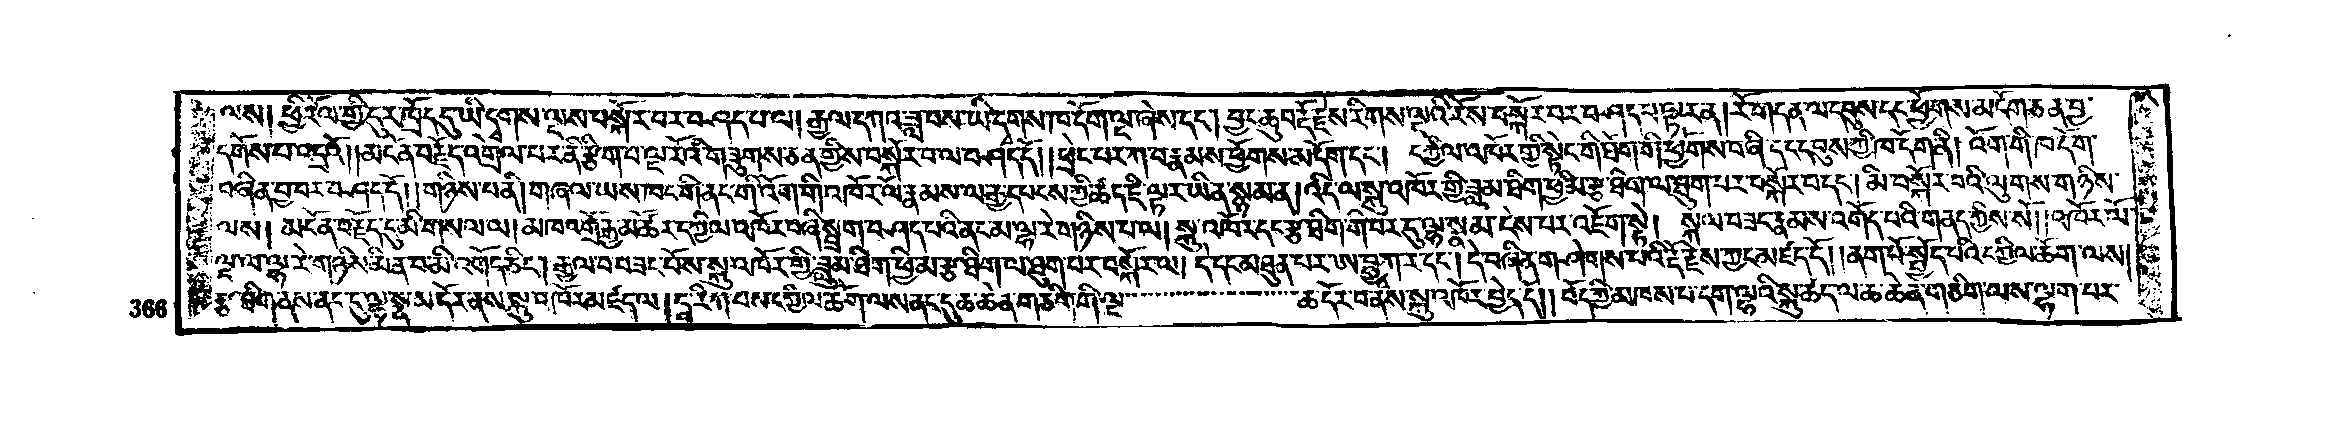ལས། ཕྱི་རོལ་གྱི་དུར་ཁྲོད་དུ་ཡི་དྭགས་ལྔས་བསྐོར་བར་བཤད་པ་ལ། རྒྱལ་དཀའ་ཟླ་བས་ཡི་དྭགས་ཁ་དོག་ལྔ་ཞེས་དང་། བྱང་ཆུབ་རྡོ་རྗེས་རིགས་ལྔའི་རོས་བསྐོར་བར་བཤད་པ་ལྟར་ན། རོ་གདན་ལ་དབུས་དང་ཕྱོགས་མདོག་ཅན་བྱ་
དགོས་པ་འདྲའོ། །མངོན་བརྗོད་འགྲེལ་པར་ནི་རྩིག་པ་ལྔ་རོའི་གཟུགས་ཅན་གྱིས་བསྐོར་བ་ལ་བཤད་དོ། །ཕྲེང་པར་ཀ་བ་རྣམས་ཕྱོགས་མདོག་དང་། དཀྱིལ་འཁོར་གྱི་སྟེང་གི་ཐོག་གི་ཕྱོགས་བཞི་དང་དབུས་ཀྱི་ཁ་དོག་ནི། འོག་གི་ཁ་དོག་
བཞིན་བྱ་བར་བཤད་དོ། །གཉིས་པ་ནི། གཞལ་ཡས་ཁང་གི་ནང་གི་འོག་གི་འཁོར་ལོ་རྣམས་ལ་རྒྱ་དཔངས་ཀྱི་ཚད་ཇི་ལྟར་ཡིན་སྙམ་ན། འདི་ལ་སྐུ་འཁོར་གྱི་ཟླུམ་ཐིག་ཕྱི་མ་རྩ་ཐིག་ལ་ཐུག་པར་བསྐོར་བ་དང་། མི་བསྐོར་བའི་ལུགས་གཉིས་
ལས། མངོན་བརྗོད་དུ་མི་གསལ་ལ། མཁའ་འགྲོ་རྒྱ་མཚོར་དཀྱིལ་འཁོར་བཞི་སྦྲག་བཤད་པའི་ནང་མ་ལྷ་རེ་གཉིས་པ་ལ། སྐུ་འཁོར་དང་རྩ་ཐིག་གི་བར་དུ་ལྷ་སྣམ་ངེས་པར་འཇོག་སྟེ། སྐལ་བཟང་རྣམས་འགོད་པའི་གནད་ཀྱིས་སོ། །འཁོར་ལོ་
ལྔ་ལ་ལྷ་རེ་གཉིས་མིན་པ་མི་འགོད་ཅིང་། རྒྱལ་བ་བཟང་པོས་སྐུ་འཁོར་གྱི་ཟླུམ་ཐིག་ཕྱི་མ་རྩ་ཐིག་ལ་ཐུག་པར་བསྐོར་ལ། དེ་དང་མཐུན་པར་ཨ་བྷྱཱ་ཀ་ར་དང་། དེ་བཞིན་གཤེགས་པའི་རྡོ་རྗེས་ཀྱང་མཛད་དོ། །ནག་པོ་སྤྱོད་པའི་དཀྱིལ་ཆོག་ལས།
རྩ་ཐིག་ནས་ནང་དུ་ལྷ་སྣམ་དོར་ནས་སྐུ་འཁོར་མཛད་ལ། དཱ་རི་ཀ་པས་དཀྱིལ་ཆོག་ལས་ནང་དུ་ཆ་ཆེན་གཅིག་གི་ལྔ་ཆ་དོར་བ་ནས་སྐུ་འཁོར་བྱེད་དོ། །བོད་ཀྱི་མཁས་པ་དག་ལྷའི་སྐུ་ཚད་ལ་ཆ་ཆེན་གཅིག་ལས་ལྷག་པར་